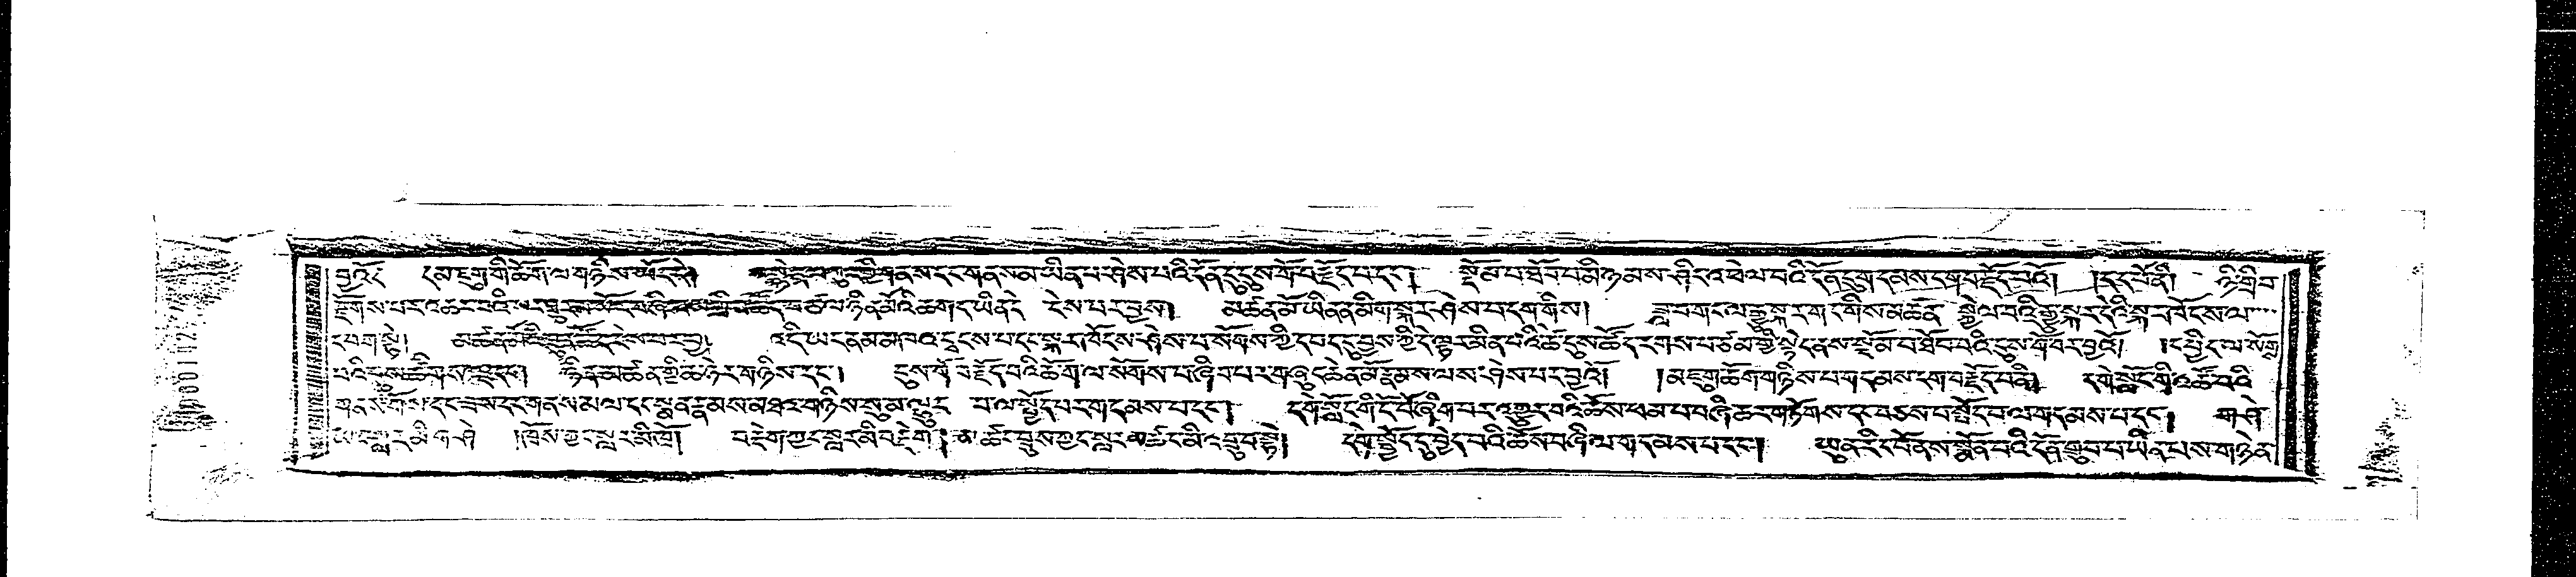བྱའོ༑ ༑མཇུག་གི་ཆོ་ག་ལ་གཉིས་ཡོད་དེ། བསྙེན་བཀུར་གྱི་གནས་དང་གནས་མ་ཡིན་པ་ཤེས་པའི་དོན་དུ་དུས་གོ་བརྗོད་པ་དང་། སྡོམ་པ་ཐོབ་པ་མི་ཉམས་ཤིང་འཕེལ་བའི་དོན་དུ་གདམས་ངག་བརྗོད་པའོ། །དང་པོ་ནི། ཉི་གྲིབ་
རྫོགས་པར་འཆར་བའི་སར་ཐུར་མ་སོར་བཞིའམ་གྲིབ་ཚོད་བཙལ་ཉིན་མོའི་ཆ་གང་ཡིན་དེ་ངེས་པར་བྱས། མཚན་མོ་ཡིན་ན་མིག་སྐར་ཤེས་པ་དག་གིས། ཟླ་བ་གང་ལ་རྒྱུ་སྐར་གང་གིས་མཚན་སྐྱེལ་བའི་རྒྱུ་སྐར་དེའི་སྐང་ཁོངས་ལ་
དཔག་སྟེ། མཚན་མོའི་ཐུན་ཚོད་ངེས་པར་བྱ། འདི་ཡང་ནམ་མཁའ་དྭངས་པ་དང་སྐར་ཁོངས་ཤེས་པ་སོགས་ཀྱི་དབང་དུ་བྱས་ཀྱི་དེ་ལྟར་མིན་པའི་ཚེ་དུས་ཚོད་རགས་པ་ཙམ་གྱི་སྟེང་ནས་སྡོམ་པ་ཐོབ་པའི་དུས་གོ་བར་བྱའོ། །དཔྱིད་ལ་སོགས་
པའི་དུས་ཚིགས་ལྔ་དང་། ཉིན་མཚན་གྱི་ཆ་ཉེར་གཉིས་དང་། དུས་གོ་བརྗོད་པའི་ཆོ་ག་ལ་སོགས་པ་ཞིབ་པར་གཞུང་ཆེན་མོ་རྣམས་ལས་ཤེས་པར་བྱའོ། །མཇུག་ཆོག་གཉིས་པ་གདམས་ངག་བརྗོད་པ་ནི། དགེ་སློང་གི་འཚོ་བའི་
གནས་གོས་དང་ཟས་དང་གནས་མལ་དང་སྨན་རྣམས་མཐའ་གཉིས་སུ་མ་ལྷུང་བ་ལ་སྤྱོད་པར་གདམས་པ་དང་། དགེ་སློང་གི་ངོ་བོ་ཞིག་པར་འགྱུར་བའི་ཆོས་ཕམ་པ་བཞི་ཆར་གཏོགས་དང་བཅས་པ་སྤོང་བ་ལ་གདམས་པ་དང་། གཤེ་
ཡང་སླར་མི་གཤེ་།ཁྲོས་ཀྱང་སླར་མི་ཁྲོ། བརྡེག་ཀྱང་སླར་མི་བརྡེག །མཚང་བྲུས་ཀྱང་སླར་མཚང་མི་འབྲུ་བ་སྟེ། དགེ་སྦྱོང་དུ་བྱེད་པའི་ཆོས་བཞི་ལ་གདམས་པ་དང་། ཡུན་རིང་པོ་ནས་སྨོན་པའི་དོན་གྲུབ་པ་ཡིན་པས་གཉེན་